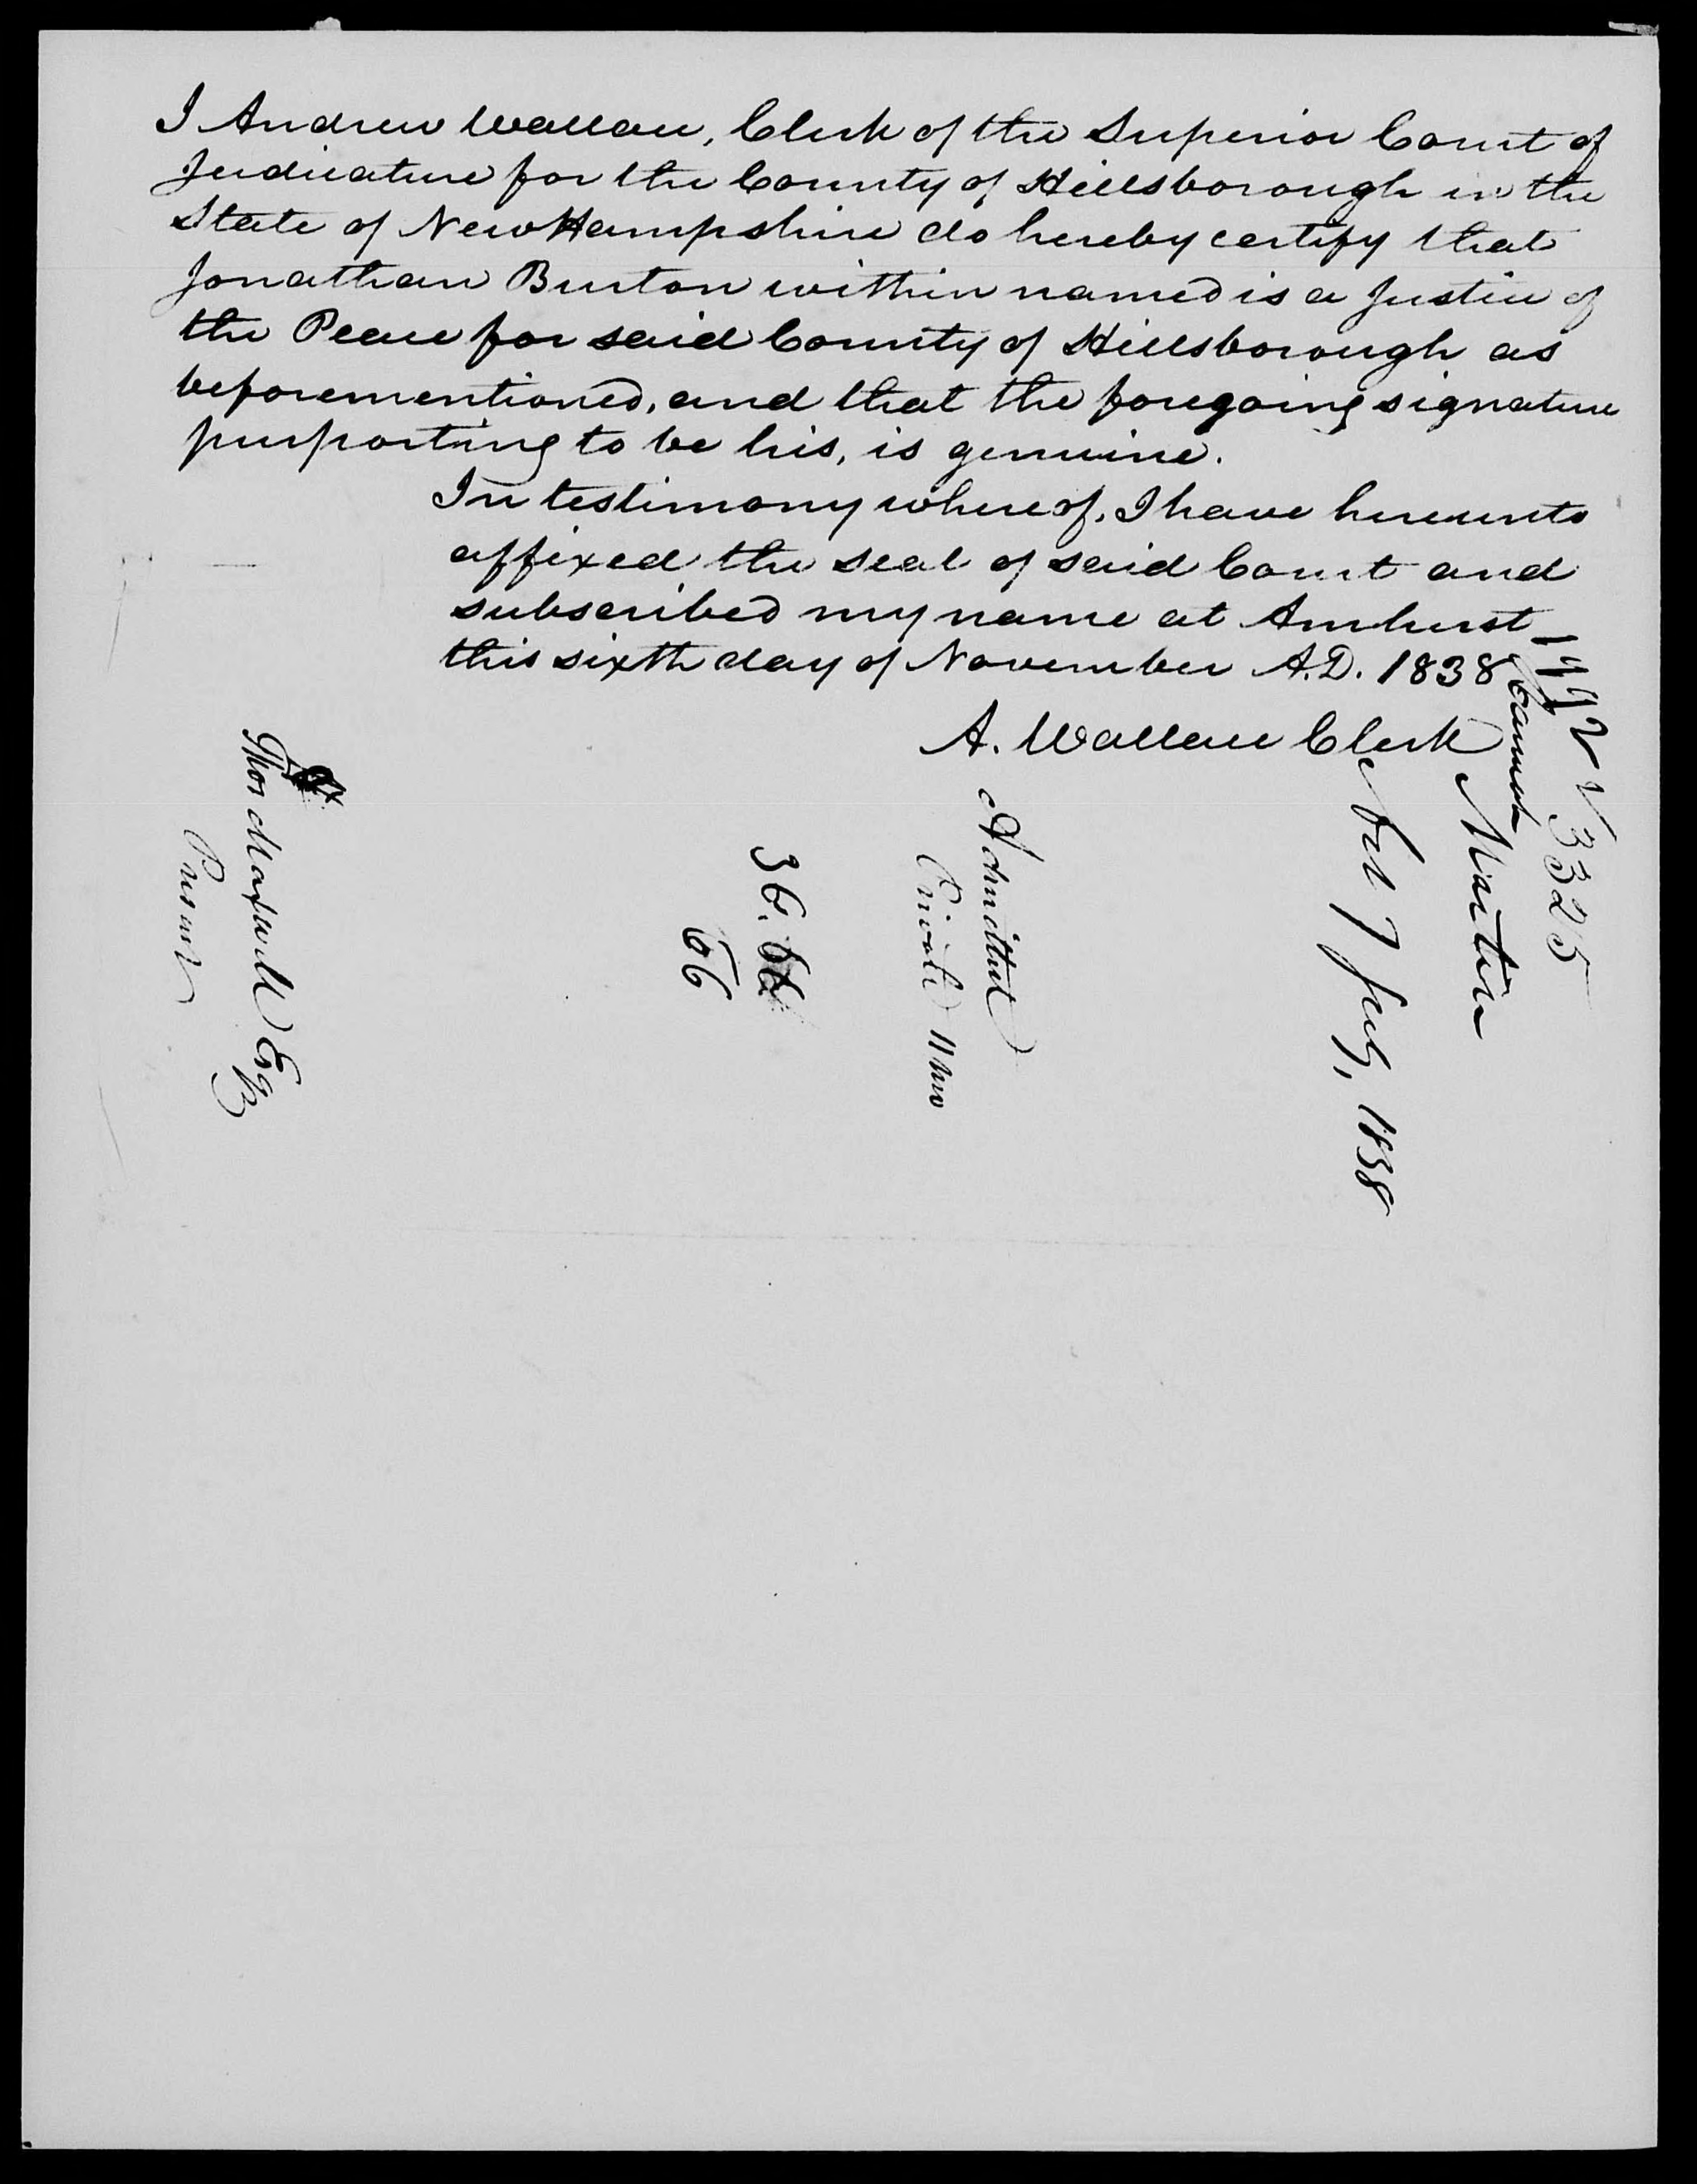I Andrew Wallace, Clerk of the Superior Court of
Judicature for the County of Hillsborough in the
State of New Hampshire do hereby certify that
Jonathan Burton within named is a Justice of
the Peace for said County of Hillsborough as
beforementioned, and that the foregoing signature
purporting to be his, is genuine. 
In testimony whereof, I have hereunto 
affixed the seal of said Court and
subscribed my name at Ameherst 
this sixth day of November A.D. 1838
1992  [?] 332.5 
[illegible] Martin
For 7 July 1838
Admitted
Private 11 mo
3G. 66
66
[The letter H was crossed out] Hon Maxwell Esqr
[illegible]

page: 18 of 30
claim: widow's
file: W. 23,904, for Nathan Martin, New Hampshire